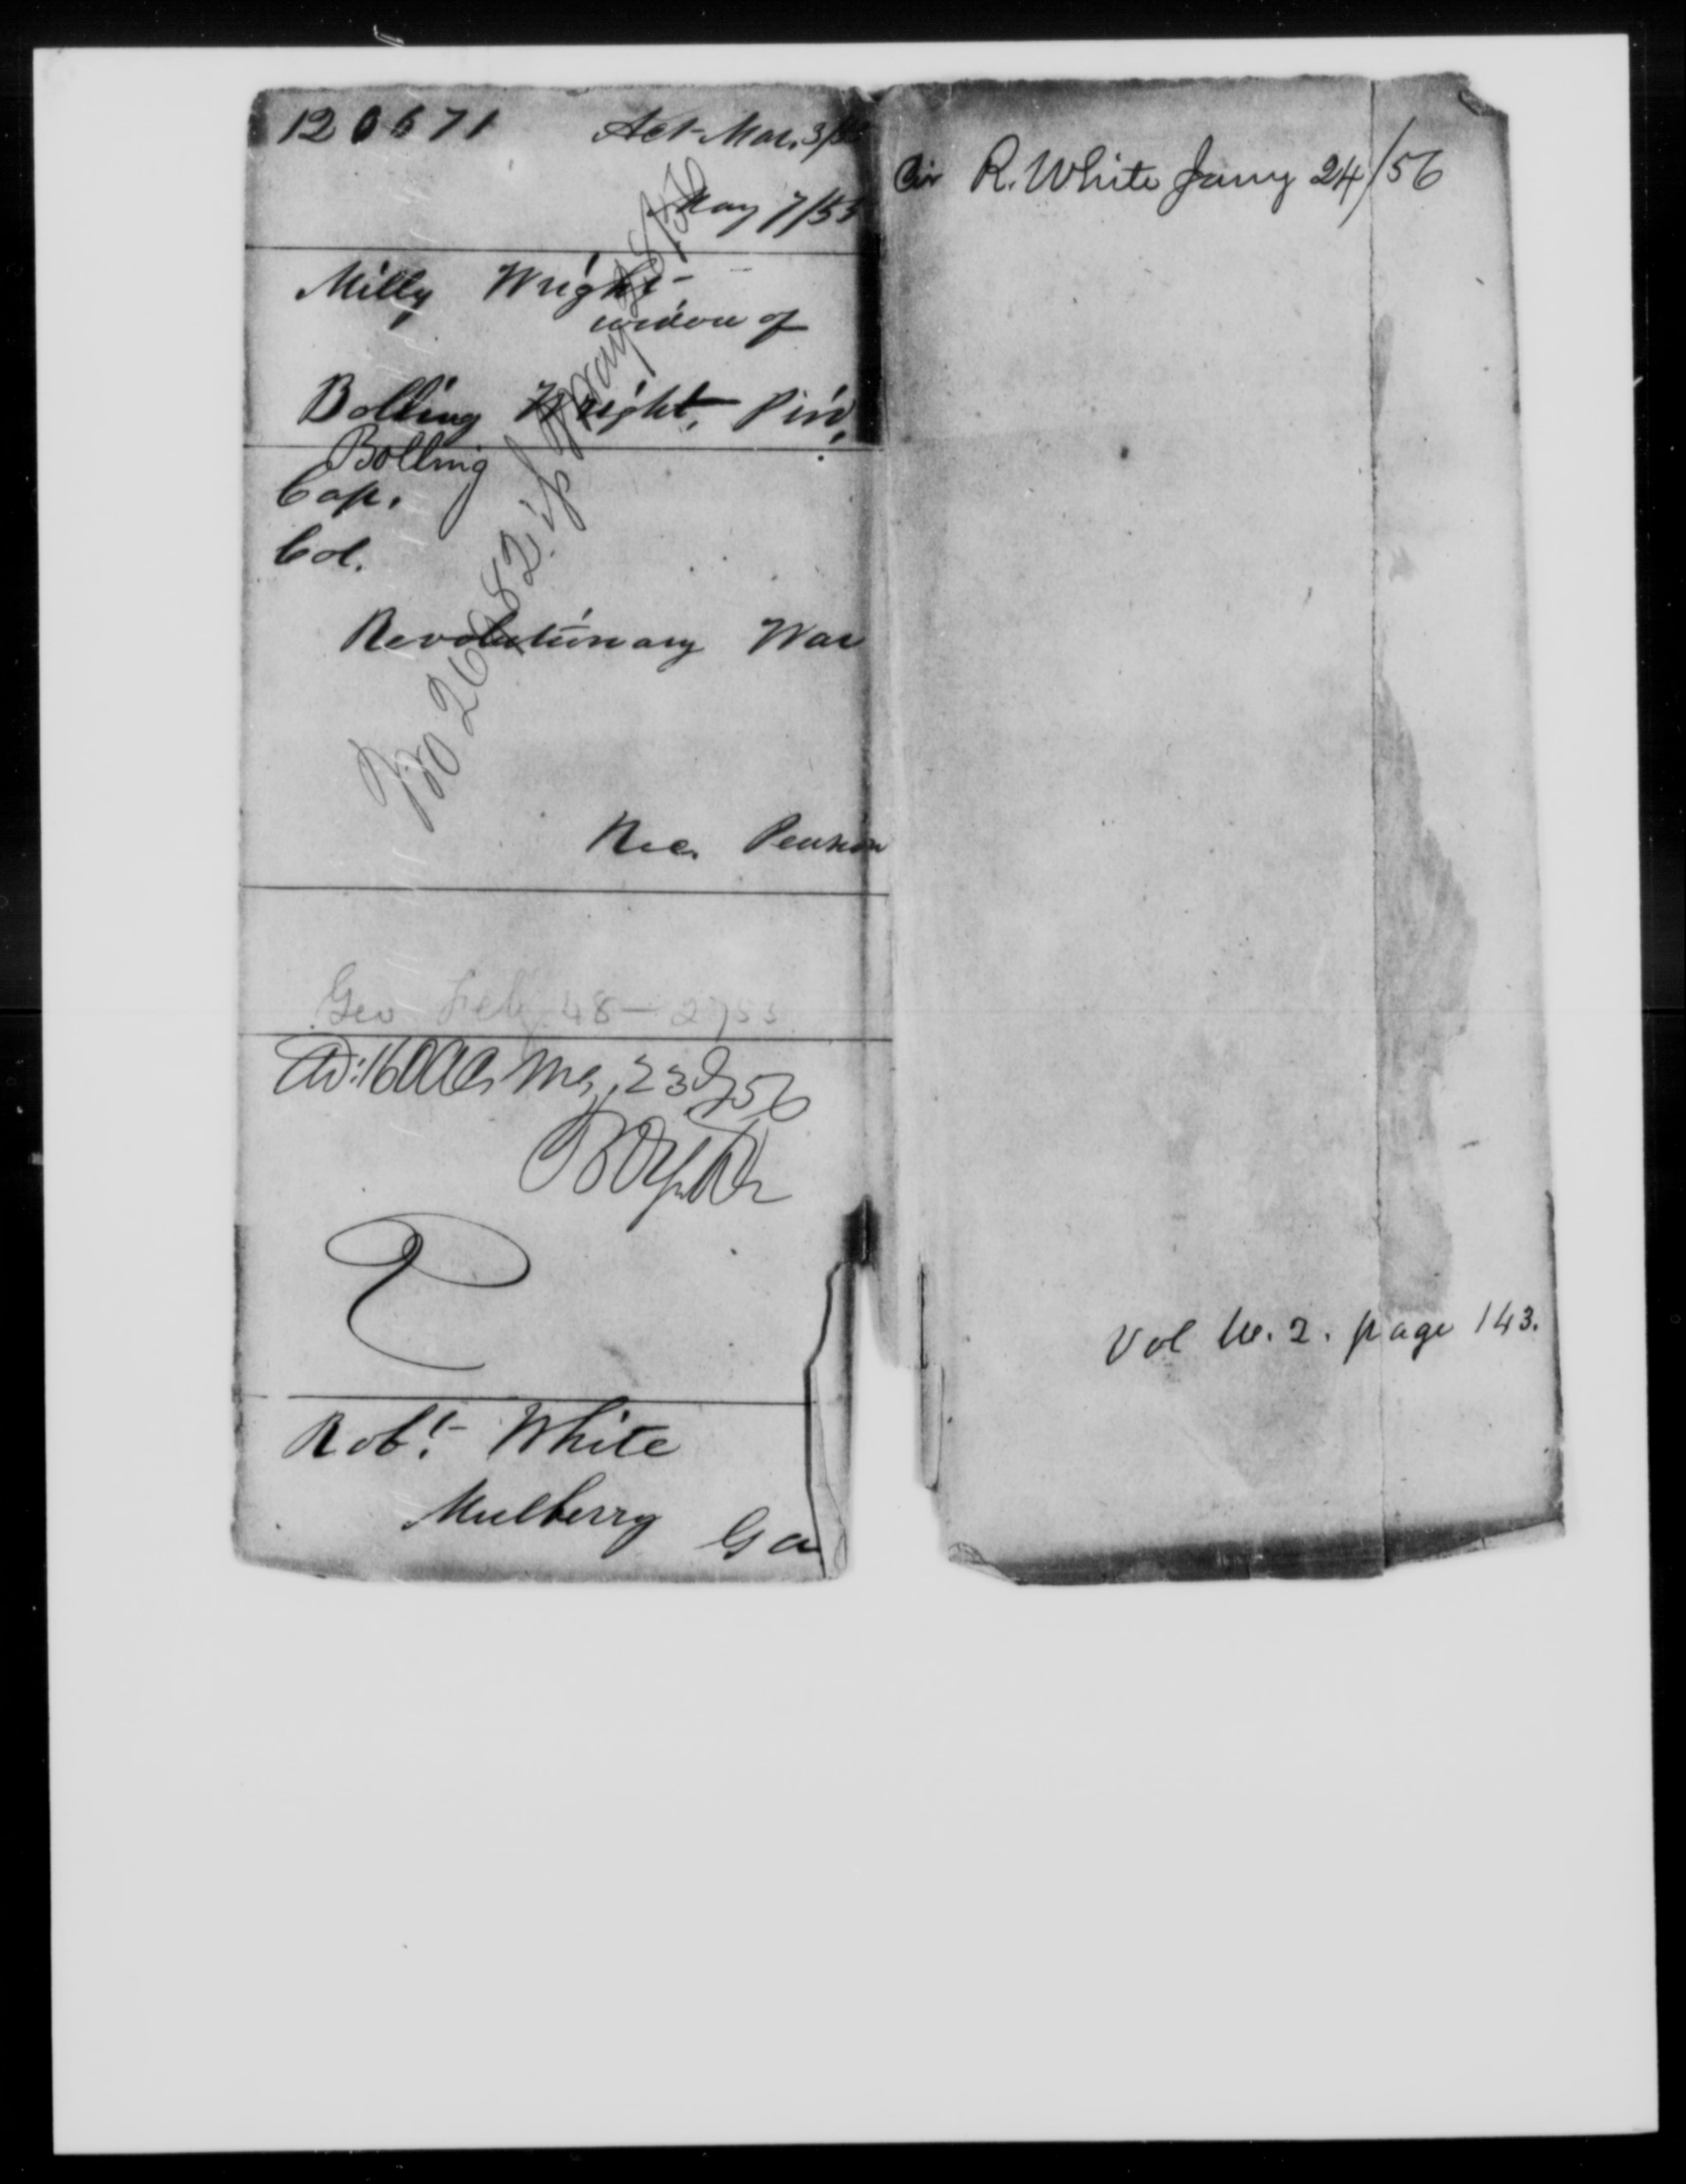120671 Act Mar. 3/
May 7/53

Milly Wright
widow of
Bolling Wright priv.
Bolling
Cap.
Col.
Revolutionary war
Rec. Pension

Geo Feby -48-2755
AW: 160 Acres My 23d/56
Boynton

Robt. White
Mulberry Ga

No 26982. is May 28/56

Cir R. White Jany 24/56.

Vol W. 2. page 143.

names: Milly Wright, Robt White, Boynton, Bolling Wright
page: 2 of 81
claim: widow's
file: W. 5183, Bolling Wright, Va.